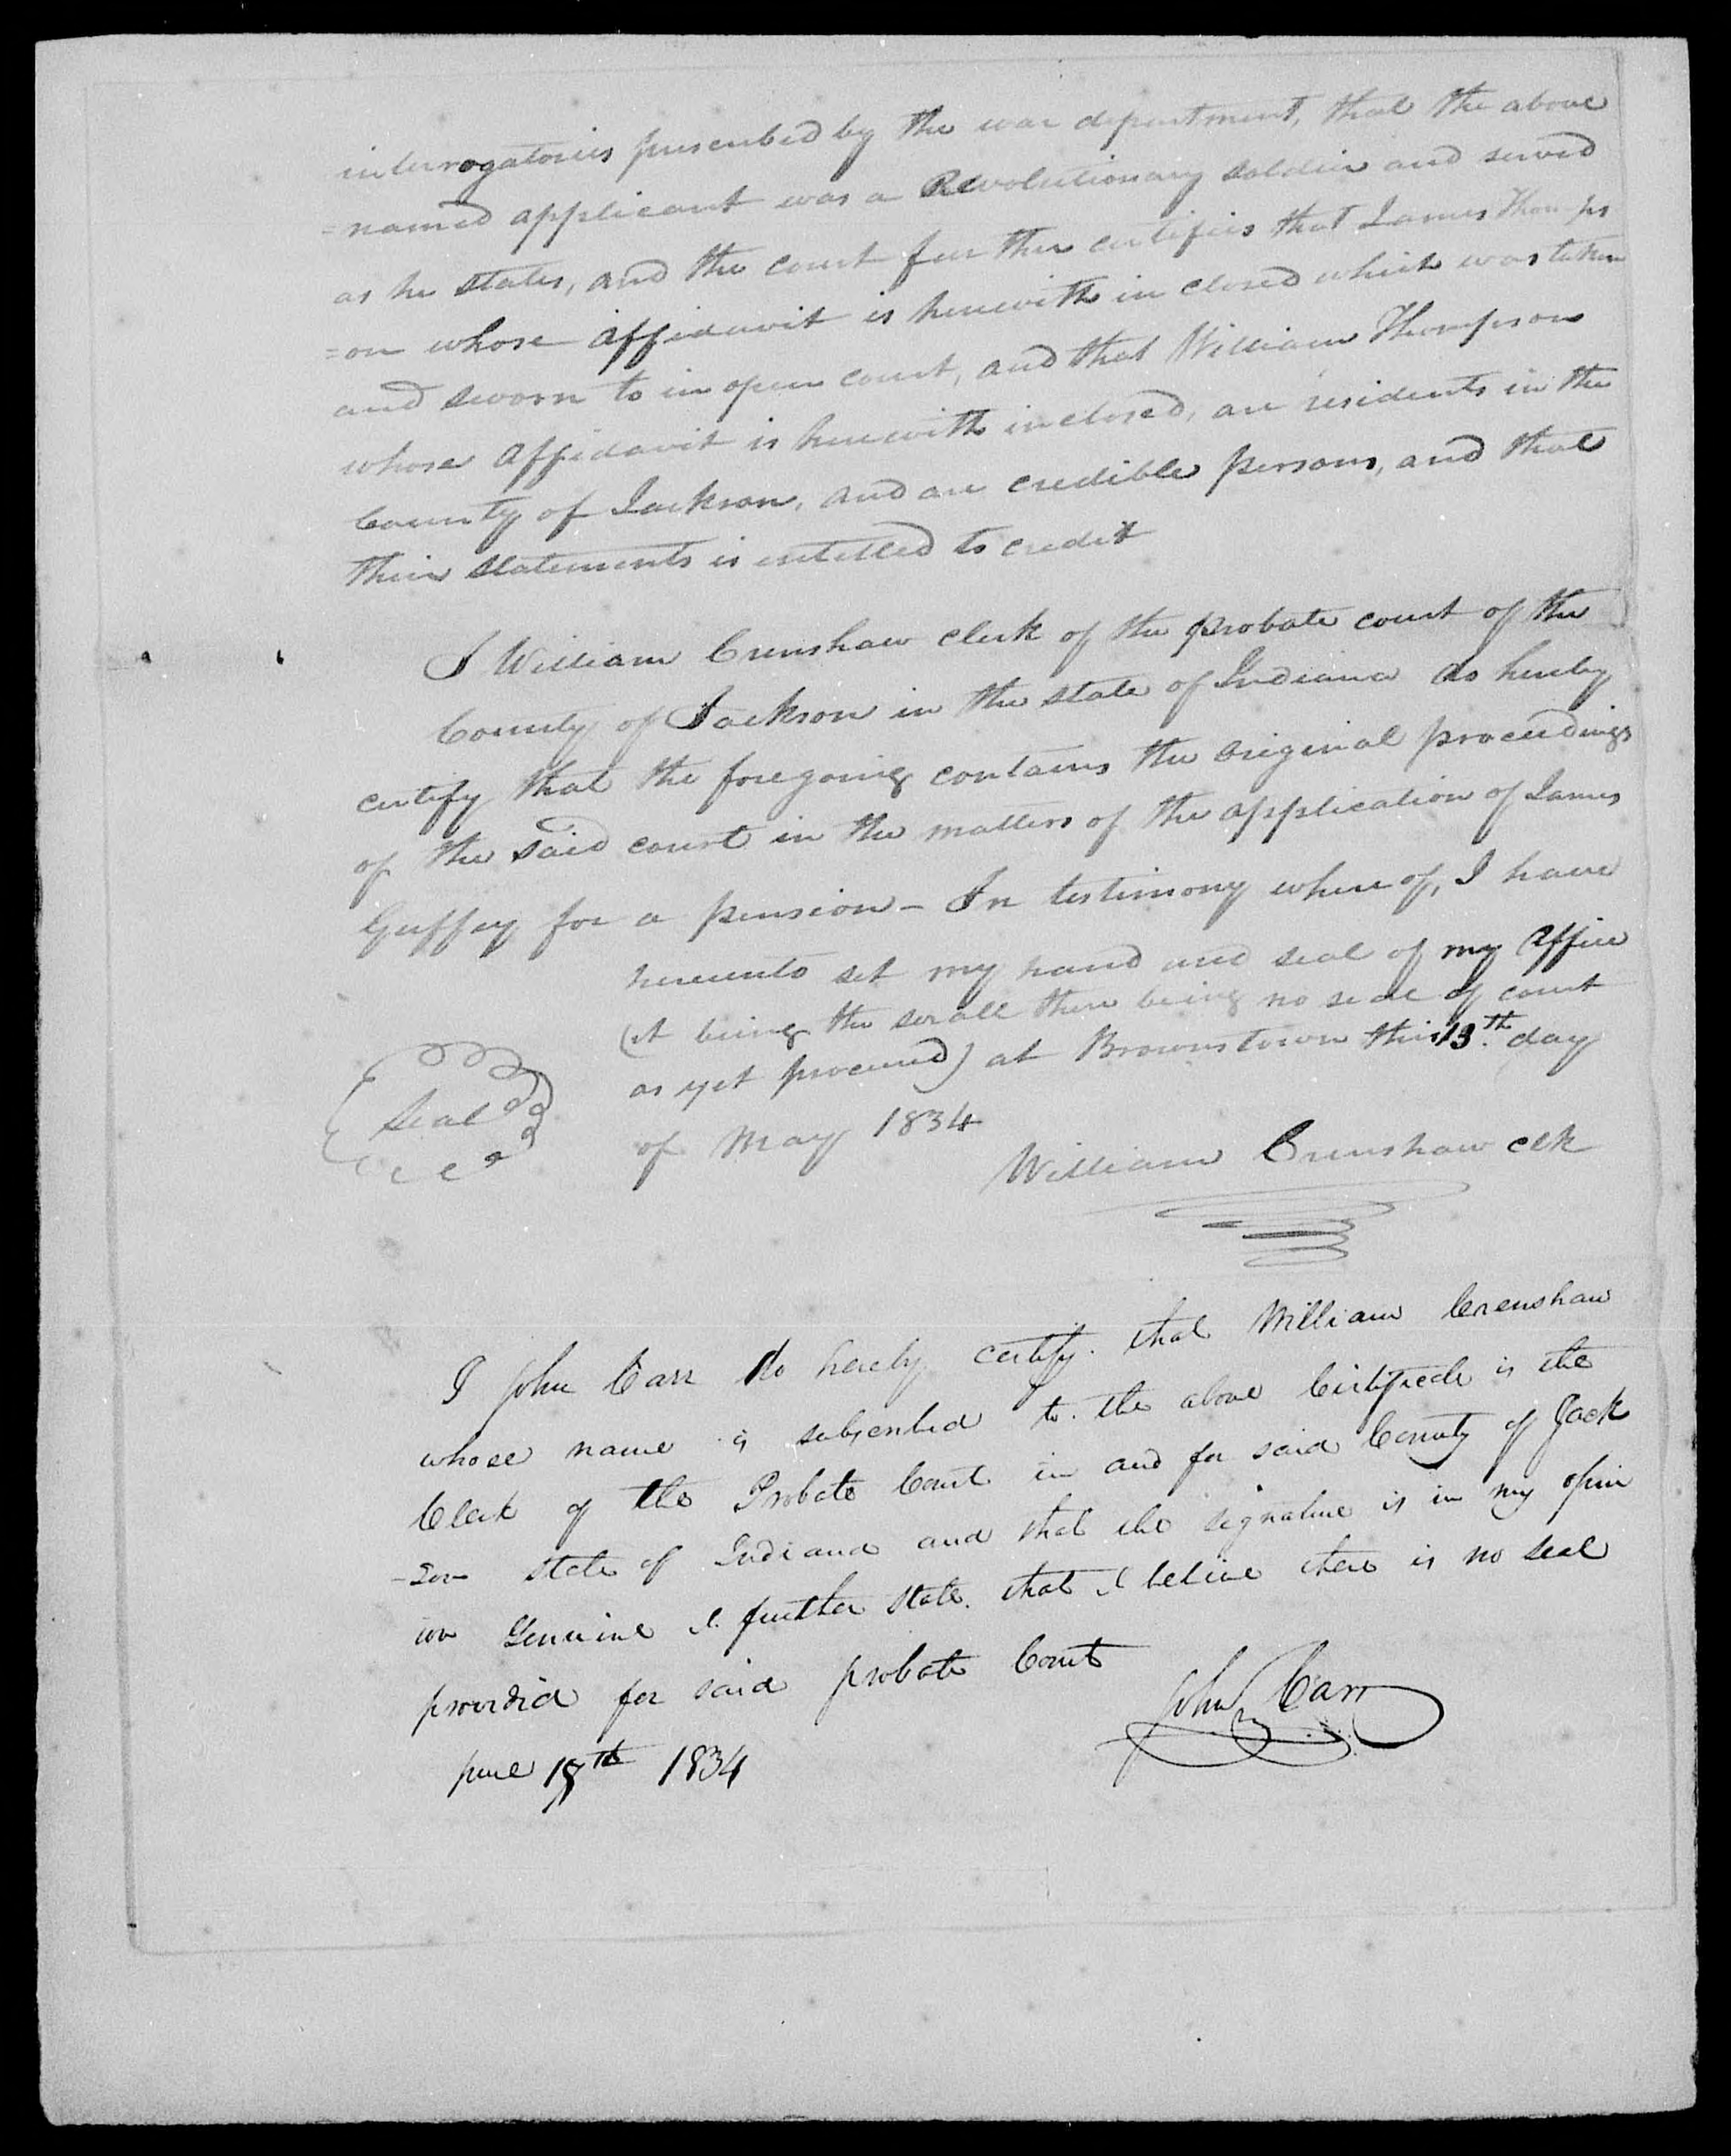interrogatories prescribed by the war department, that the above named applicant was a Revolutionary soldier and served as he states, and the court further certifies that James Thompson whose affidavit is herewith inclosed which was taken and sworn to in open court, and that William Thompson whose affidavit is herewith inclosed, are residents in the County of Jackson, and are credible persons, and that their statements is entitled to credit.
I William Crenshaw Clerk of the Probate Court of the County of Jackson in the State of Indiana do hereby certify that the foregoing contains the original proceedings of the said court in the matter of the application of James
Guffey for a pension. In testimony whereof, I have hereunto set my hand and seal of my Office (it being the scroll there being no seal of Court as yet procured) at Brownstown this 13th day of May 1834
William Crenshaw clk
[seal]
I John Carr do hereby certify that William Crenshaw whose name is subscribed to the above Certificate is the Clerk of the Probate Court in and for said County of Jackson State of Indiana and that the signature is in my opinion Genuine I further state that I believe there is no seal provided for said probate Court
John Carr
June 18th 1834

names: William Crenshaw, James Thompson, John Carr, James Guffey, William Thompson, William Crenshaw, William Crenshaw, John Carr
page: 13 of 36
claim: survivor's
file: S. 31,718, James Guffey, Penn.